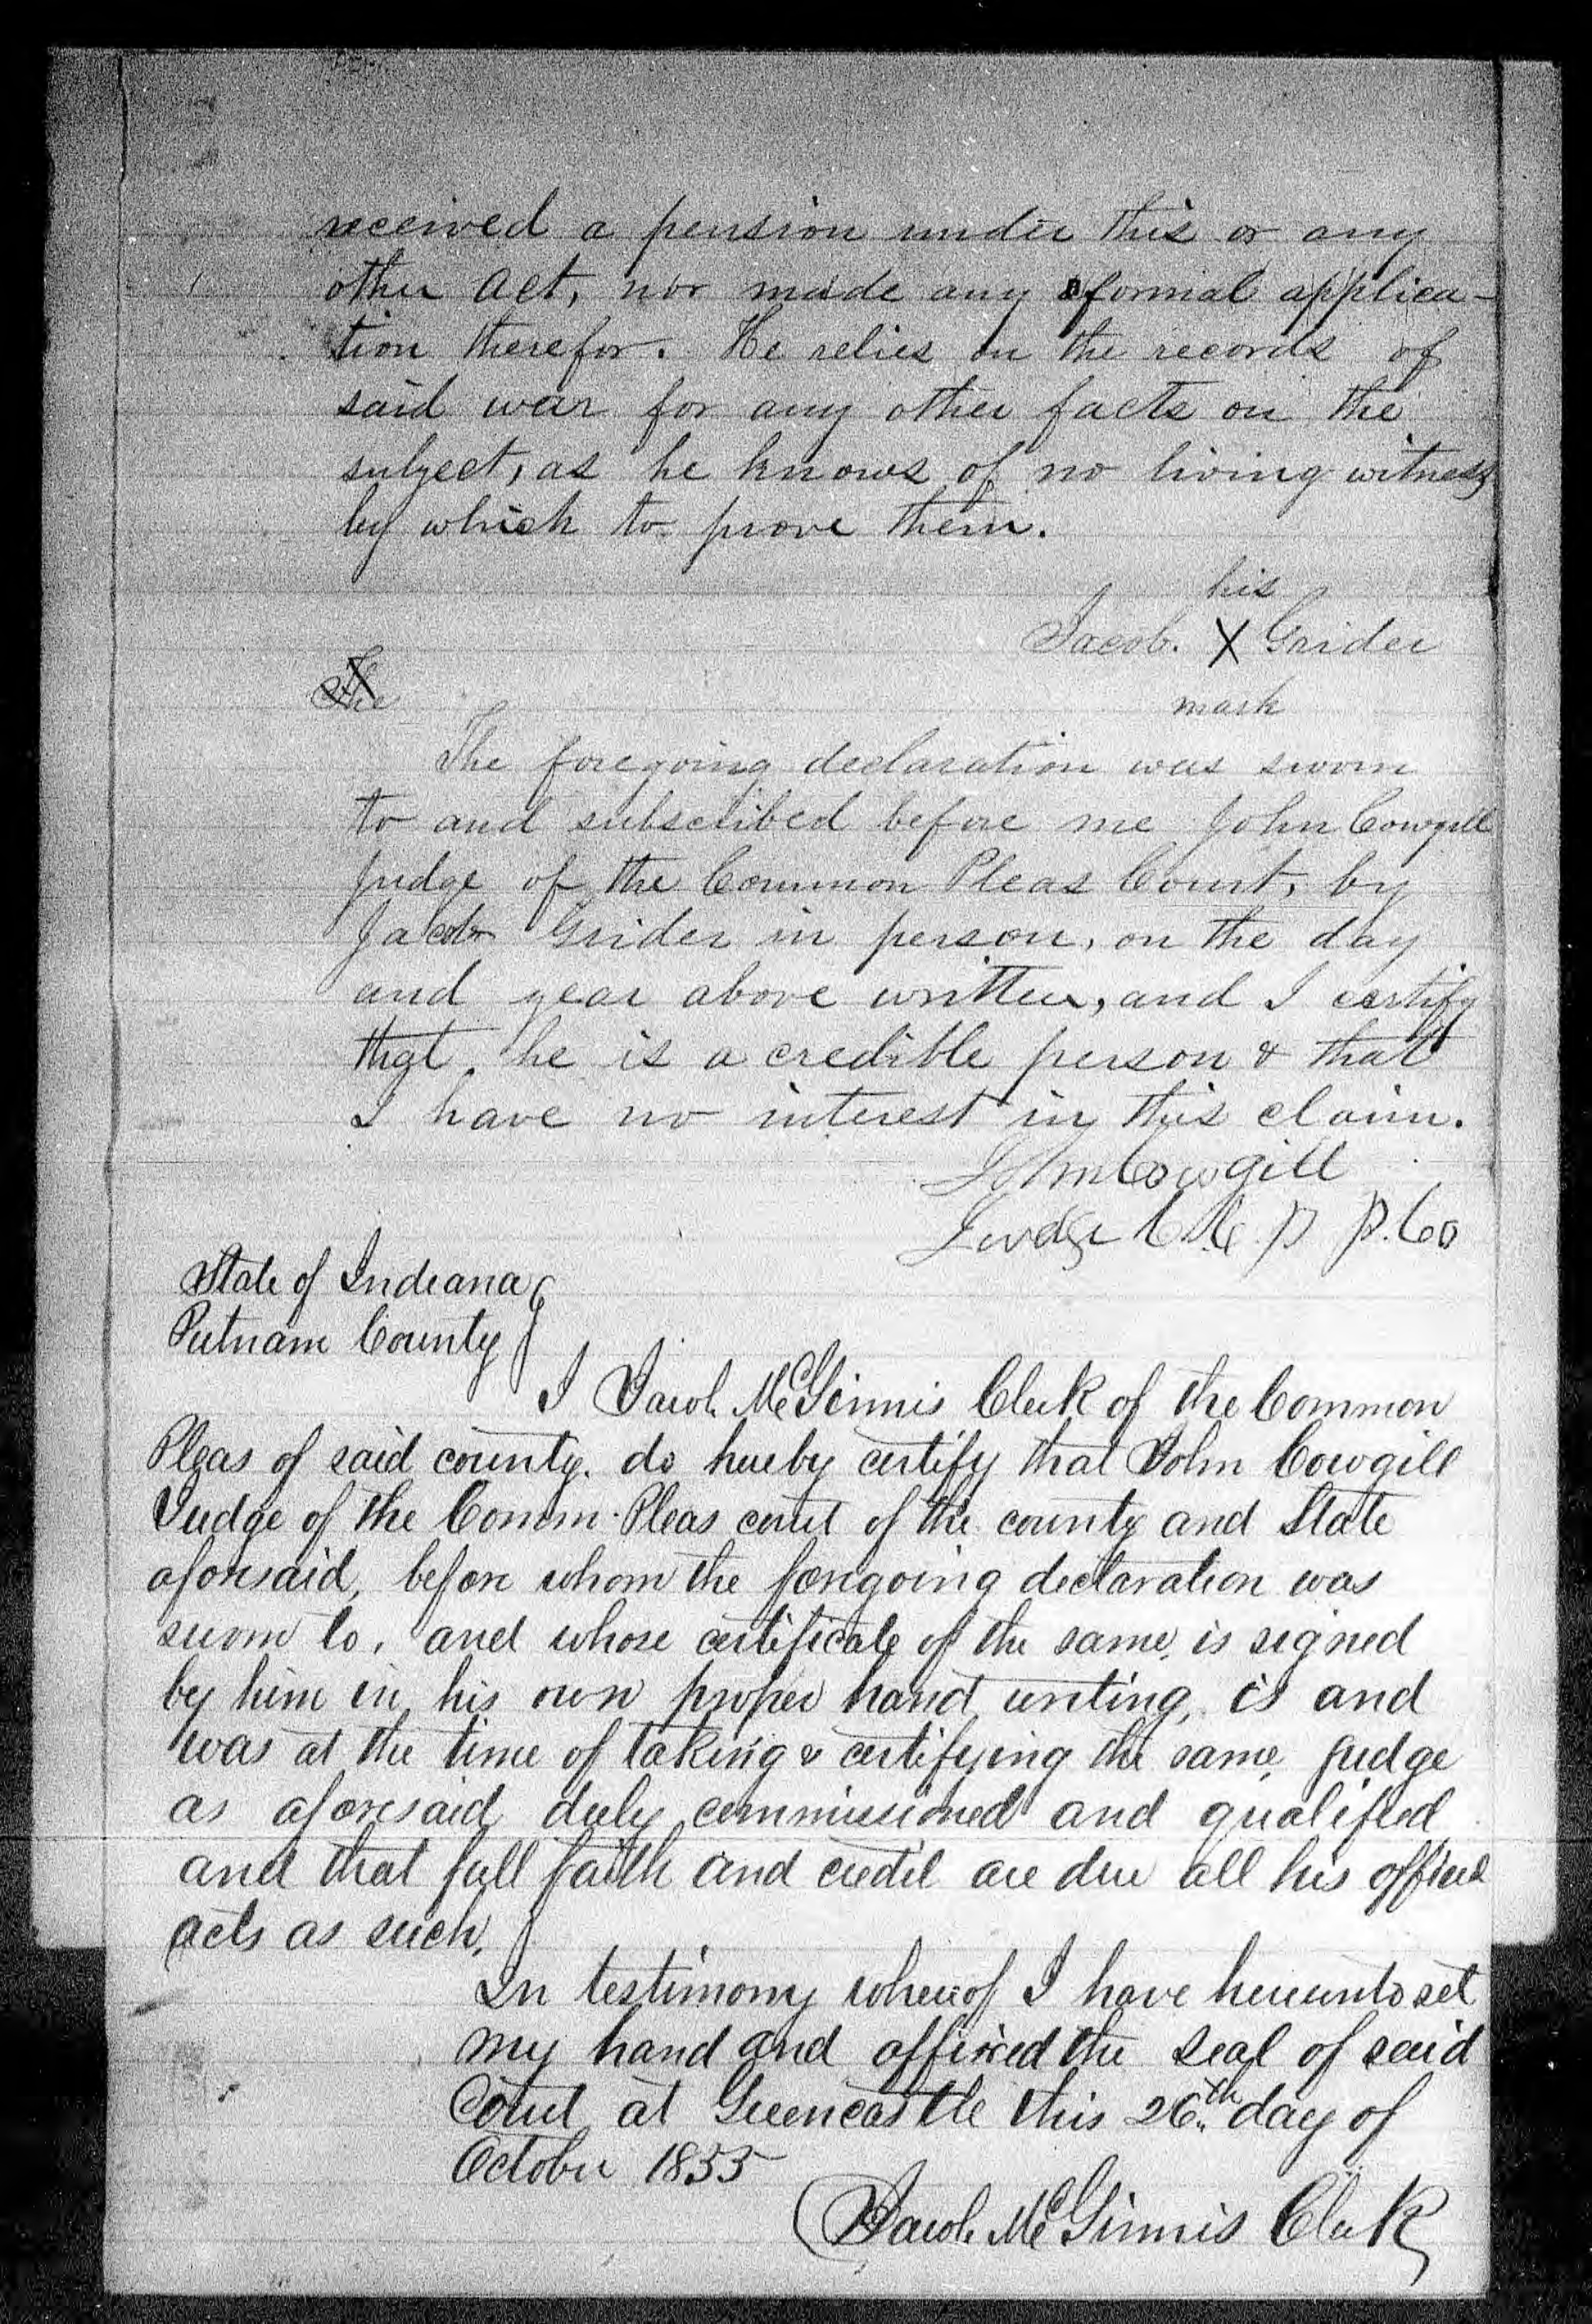[continued from previous]
received a pension under this or any other act, nor made any formal application therefore. He relies on the records of said war for any other facts on the subject, as he knows of no living witness by which to prove them.
Jacob Grider
his X mark

[struck through: "The"]
The foregoing declaration was sworn to and subscribed before me John Cowgill judge of the Common Pleas Court, by Jacob Grider in person, on the day and year above written, and I certify that he is a credible person & that I have no interest in the claim.
John Cowgill [signature]
Judge C.C.P. P.Co

State of Indiana
Putnam County}
I Jacob McGinnis Clerk of the Common Pleas of said county, do hereby certify that John Cowgill Judge of the Common Pleas court of the county and State aforesaid, before whom the foregoing declaration was sworn to, and whose certificate of the same is signed by him in his own proper hand writing, is and was at the time of taking & certifying the same judge as aforesaid duly commissioned and qualified and that full faith and credit are due all his official acts as such.
In testimony whereof I have hereunto set my hand and affixed the seal of said Court at Greencastle this 26th day of October 1855
Jacob McGinnis Clerk
[faintly seen at left are remains of a seal]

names: Jacob Mc Ginnis, John Cowgill, Jacob Grider, Jacob Grider, Jacob Mc Ginnis, John Cowgill, John Cowgill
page: 10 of 10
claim: rejected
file: R. 4302, Jacob Grider, Va